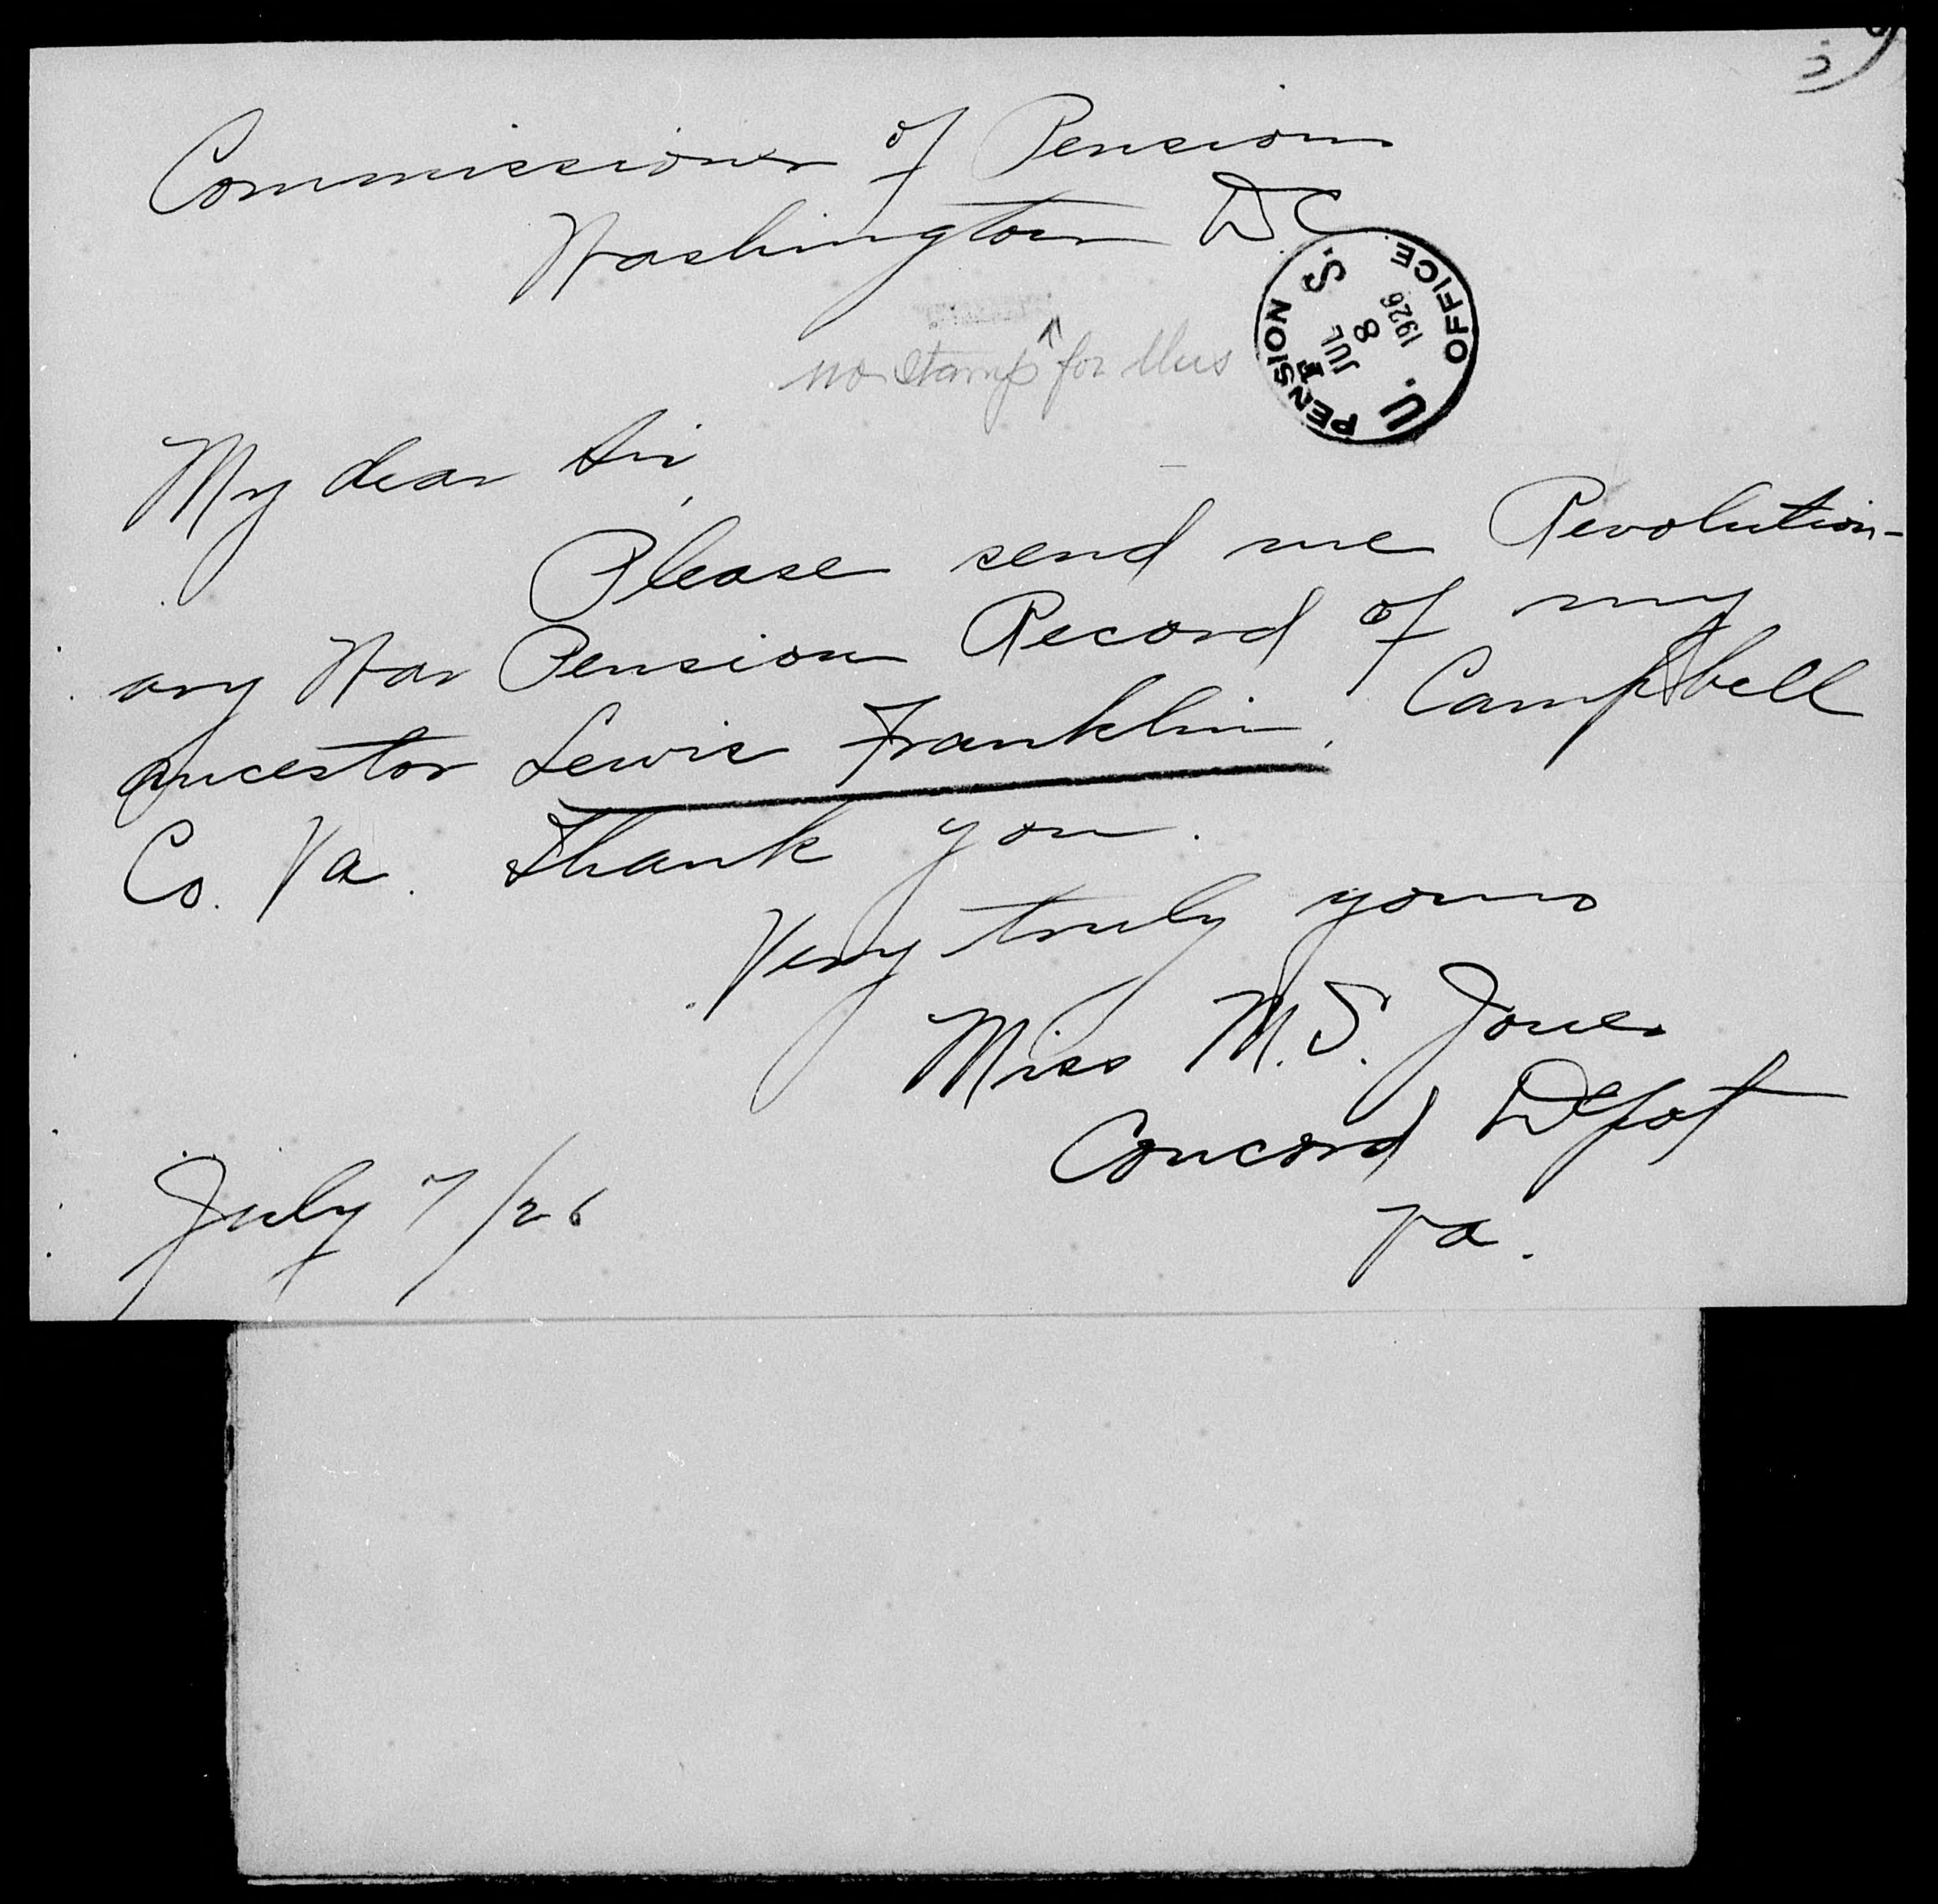(Stamp Pension F  U Jul 8 1926 S)
Commissioner
of Pension
Washington DC
no stamp for this
 My Dear Sir
Please send me Revolutionary  (illegible) Pension Record of my ancestor Lewis Frankling, Campbell Co. Va. Thank you
Very Truly yours
Miss M.S. Jones
Concord Depot
Va
July 7/26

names: M S Jones, Lewis Franklin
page: 15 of 20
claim: survivor's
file: S. 8519, Lewis Franklin, N.C. Va.